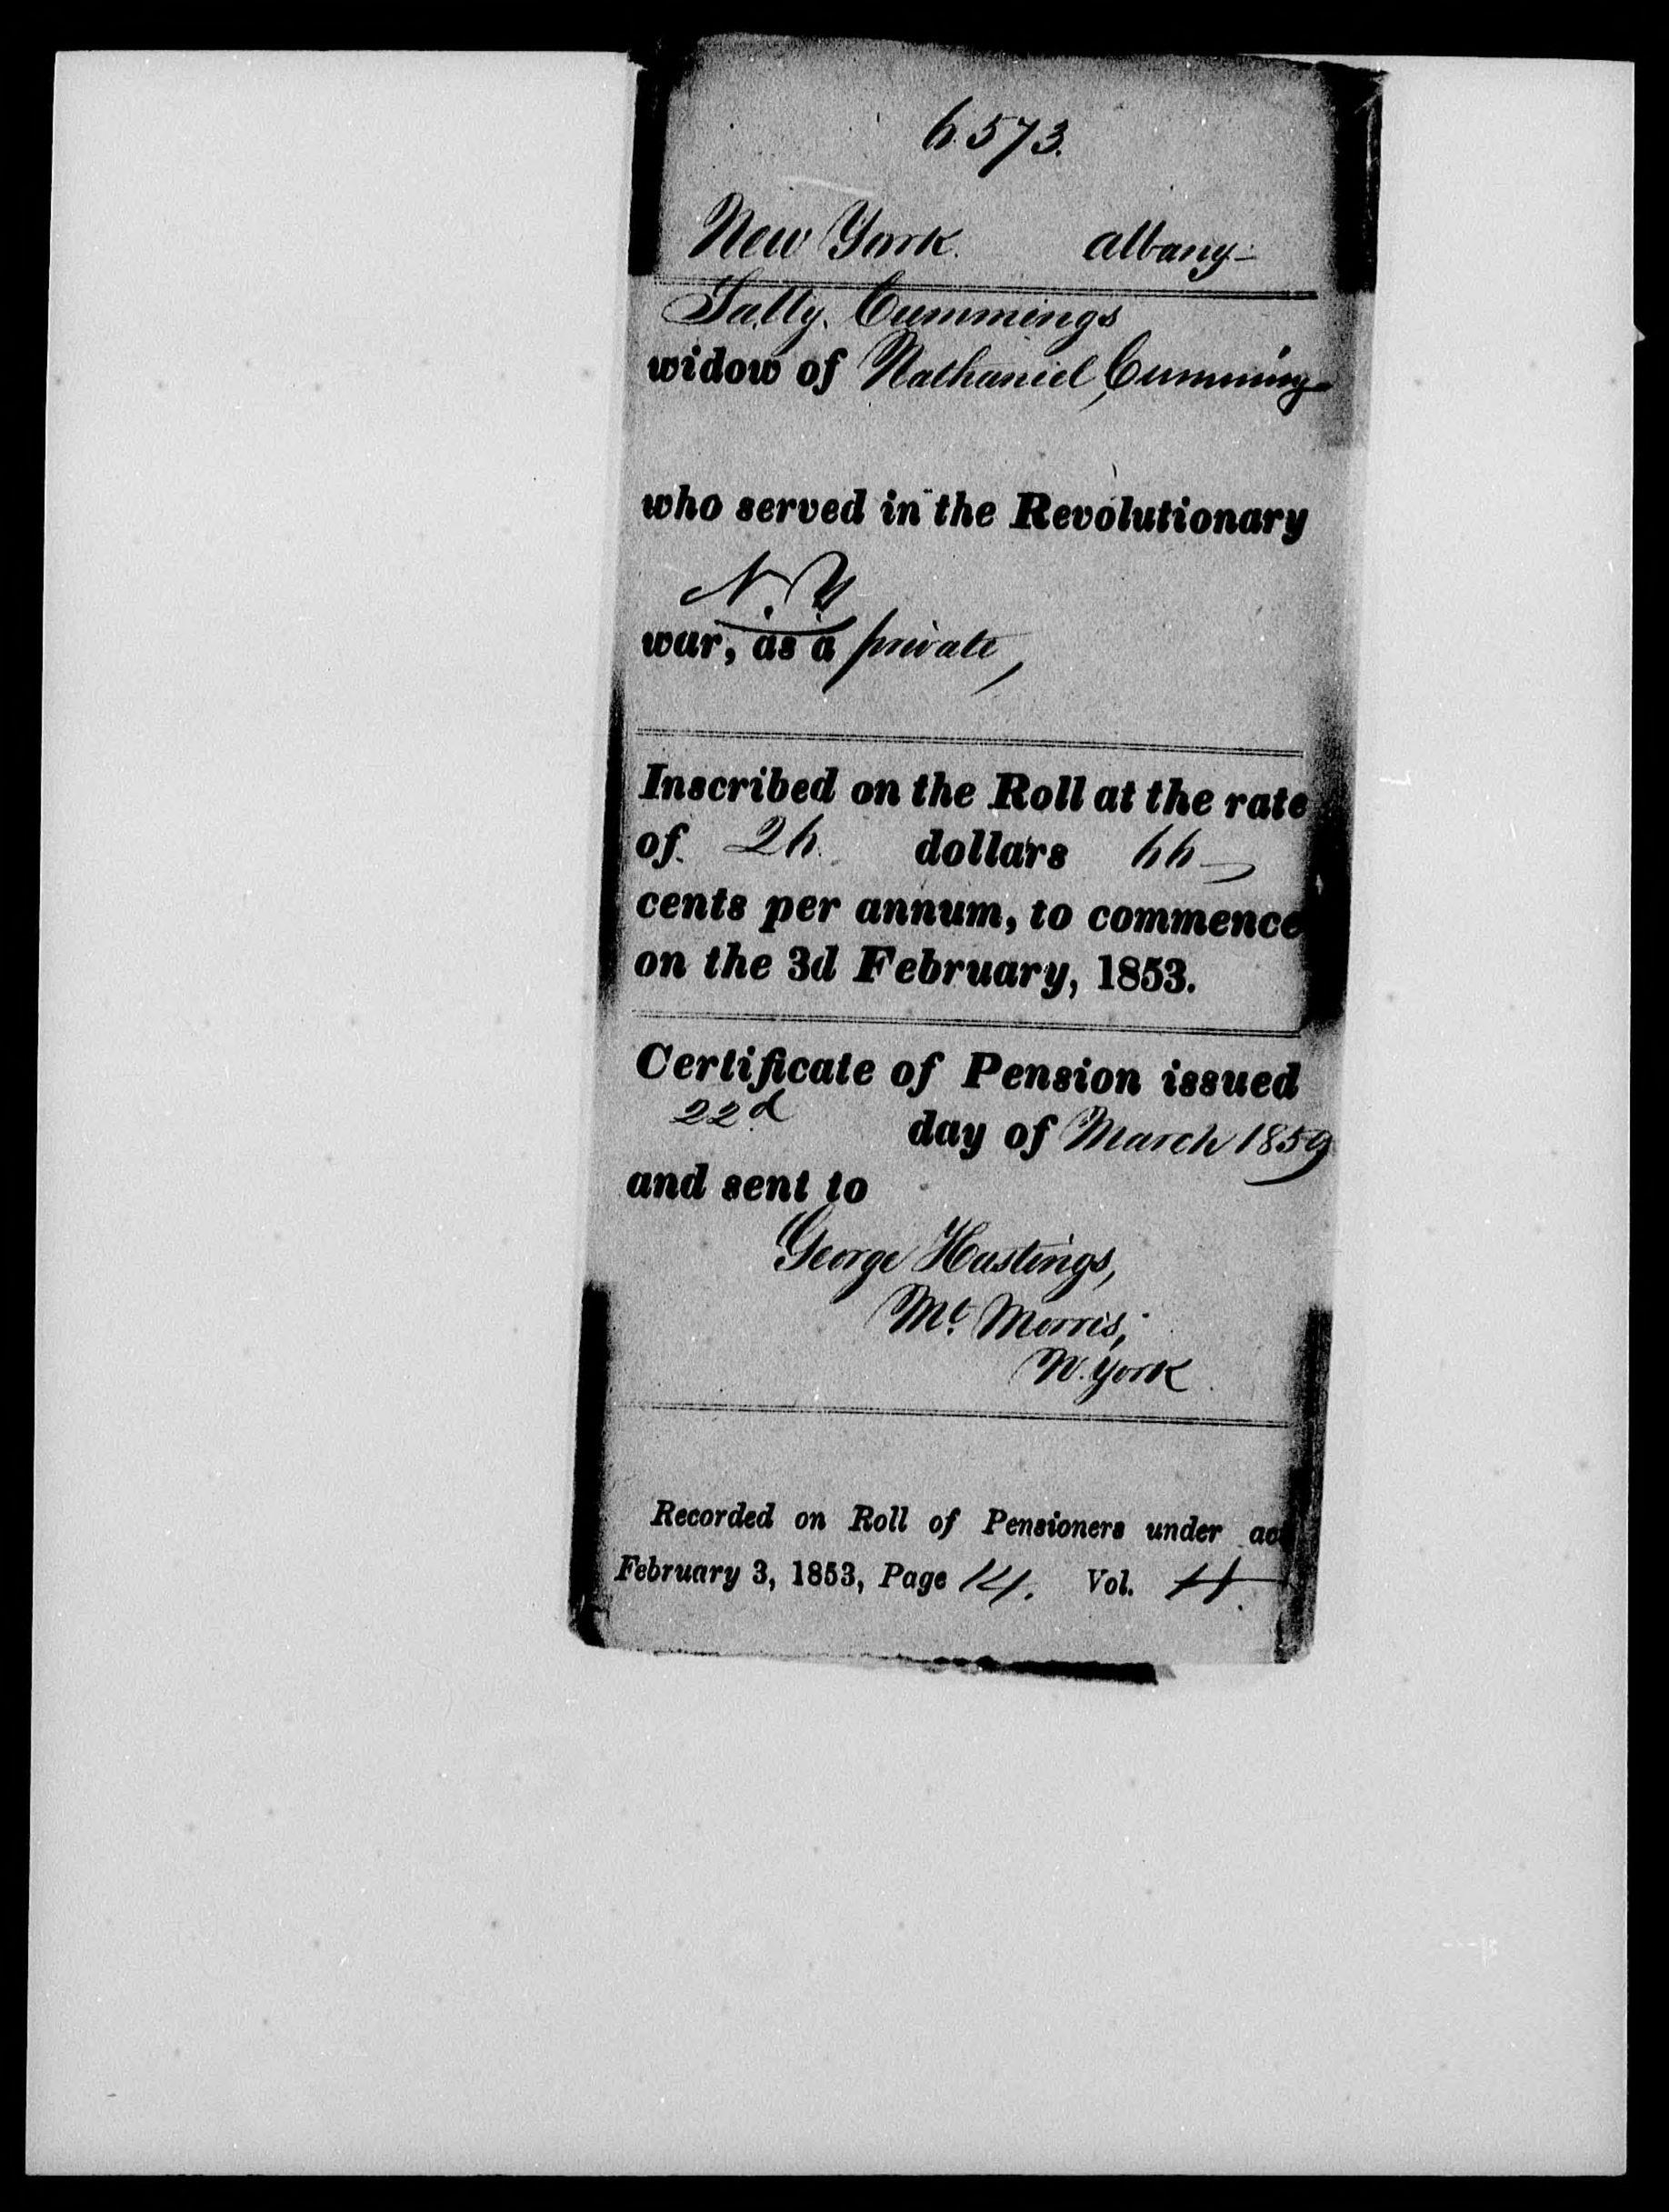6573
New York Albany
Sally Cummings
widow of Nathaniel Cummings
who served in the Revolutionary
war, as a N. Y. private

Inscribed on the Roll at the rate
24 dollars 66
cents per annum, to commence
on the 3d February, 1853.
Certificate of Pension issued
22d day of March 1859
and sent to 
George Hastings,
Mt. Morris,
N. York
Recorded on Roll of Pensioners under act
February 3, 1853, Page 14 Vol. H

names: George Hastings, Nathaniel Cummings, Sally Cummings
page: 3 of 41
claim: widow's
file: W. 9819, Nathaniel Cumings, Vt.